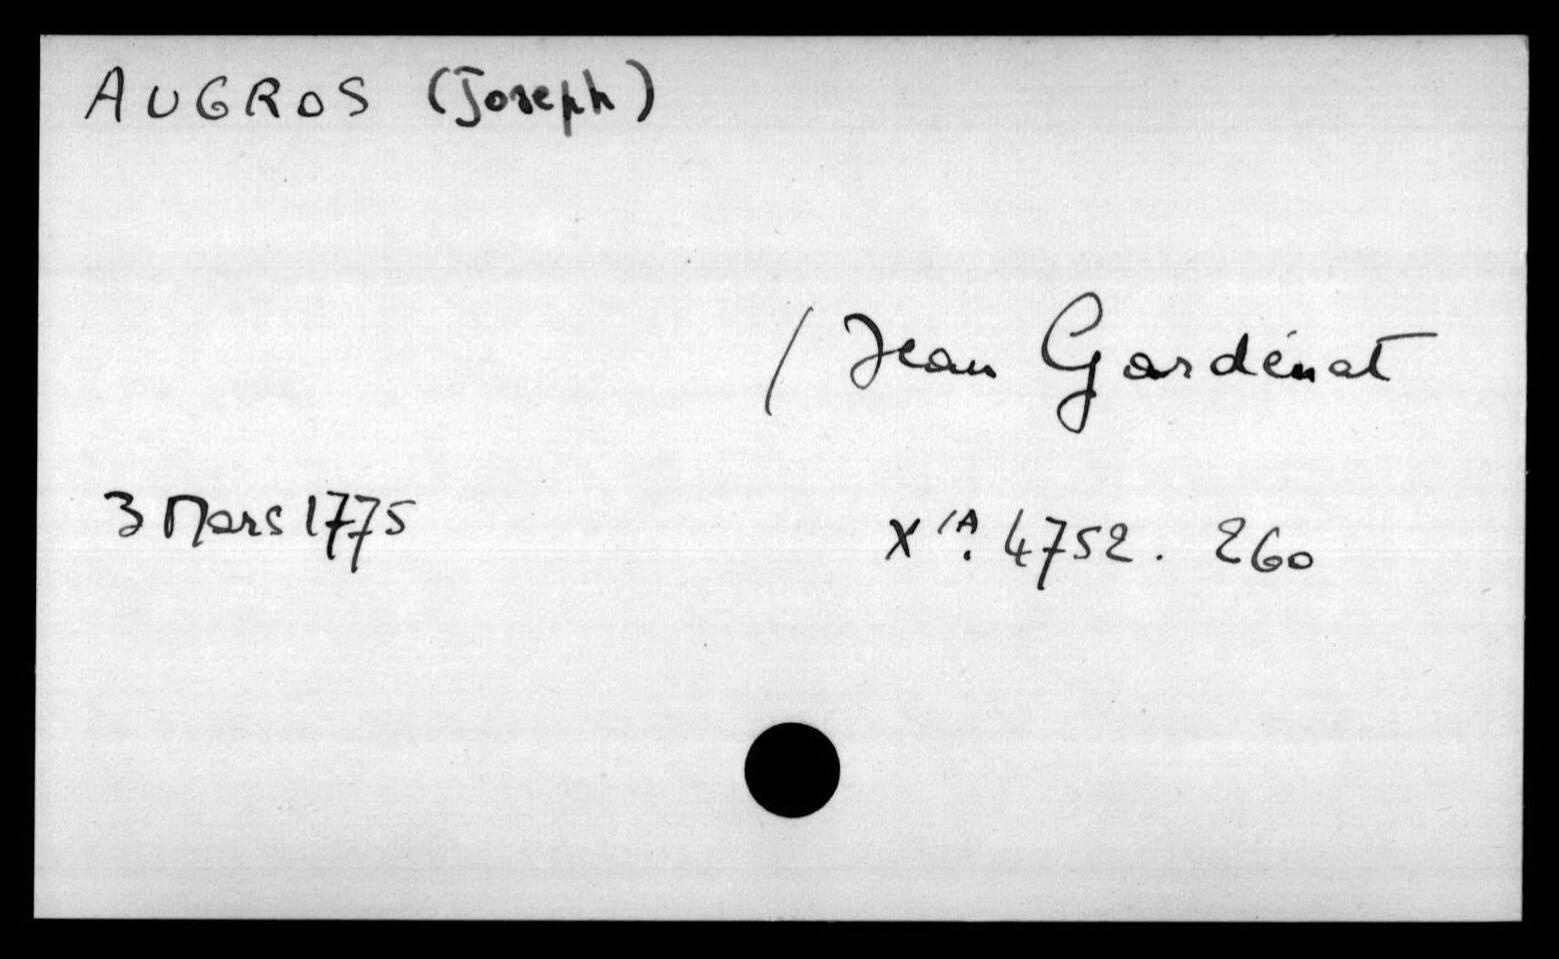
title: AUGROS (Joseph)
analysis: Contre Jean Gardénat
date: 3 mars 1775
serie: X1A
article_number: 4752
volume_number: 260
